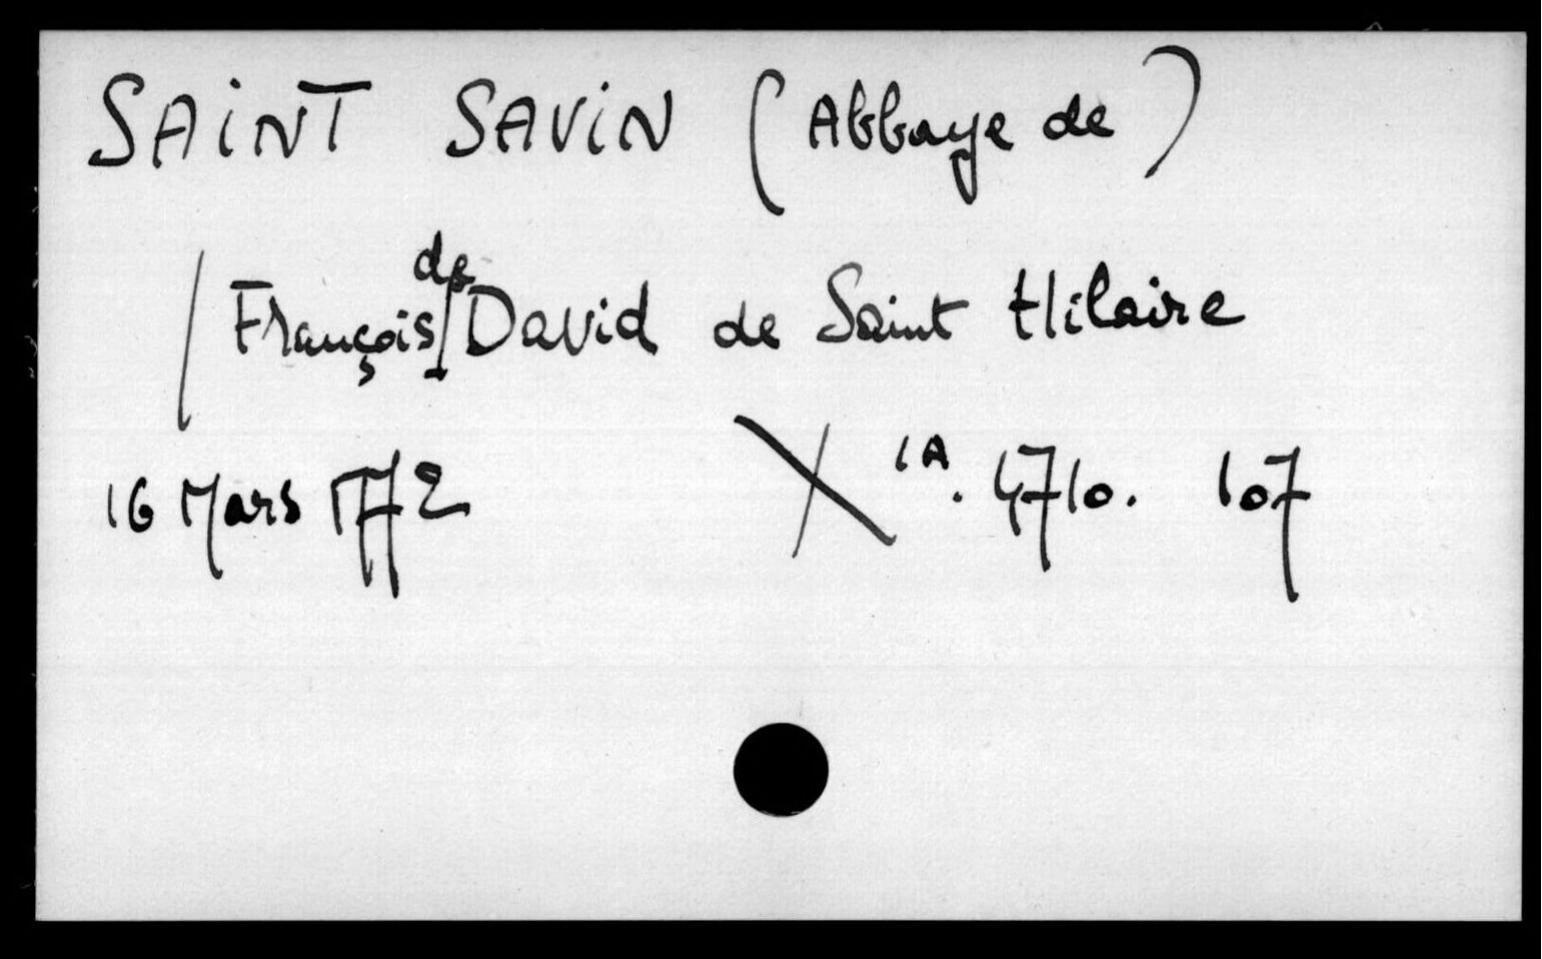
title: SAINT SAVIN (Abbaye de)
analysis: Contre François de David de Saint Hilaire
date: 16 mars 1772
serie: X1A
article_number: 4710
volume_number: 107
